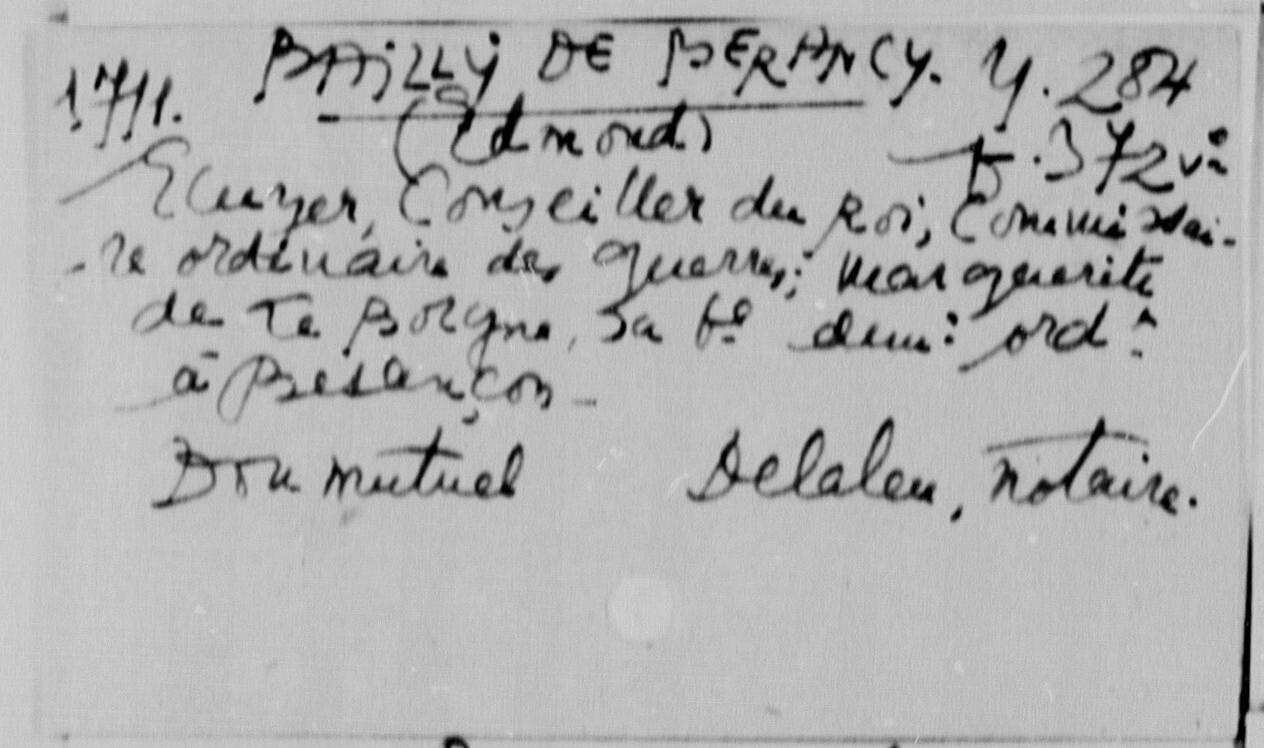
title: BAILLY DE BERANCY (Edmond)
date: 1711
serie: Y
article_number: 284
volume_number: folio 372v
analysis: Écuyer, conseiller du roi, commissaire ordinaire des Guerres. Marguerite de Le Borgne, sa femme, demeurant ordinairement à Besançon. Don mutuel. Delaleu, notaire.
